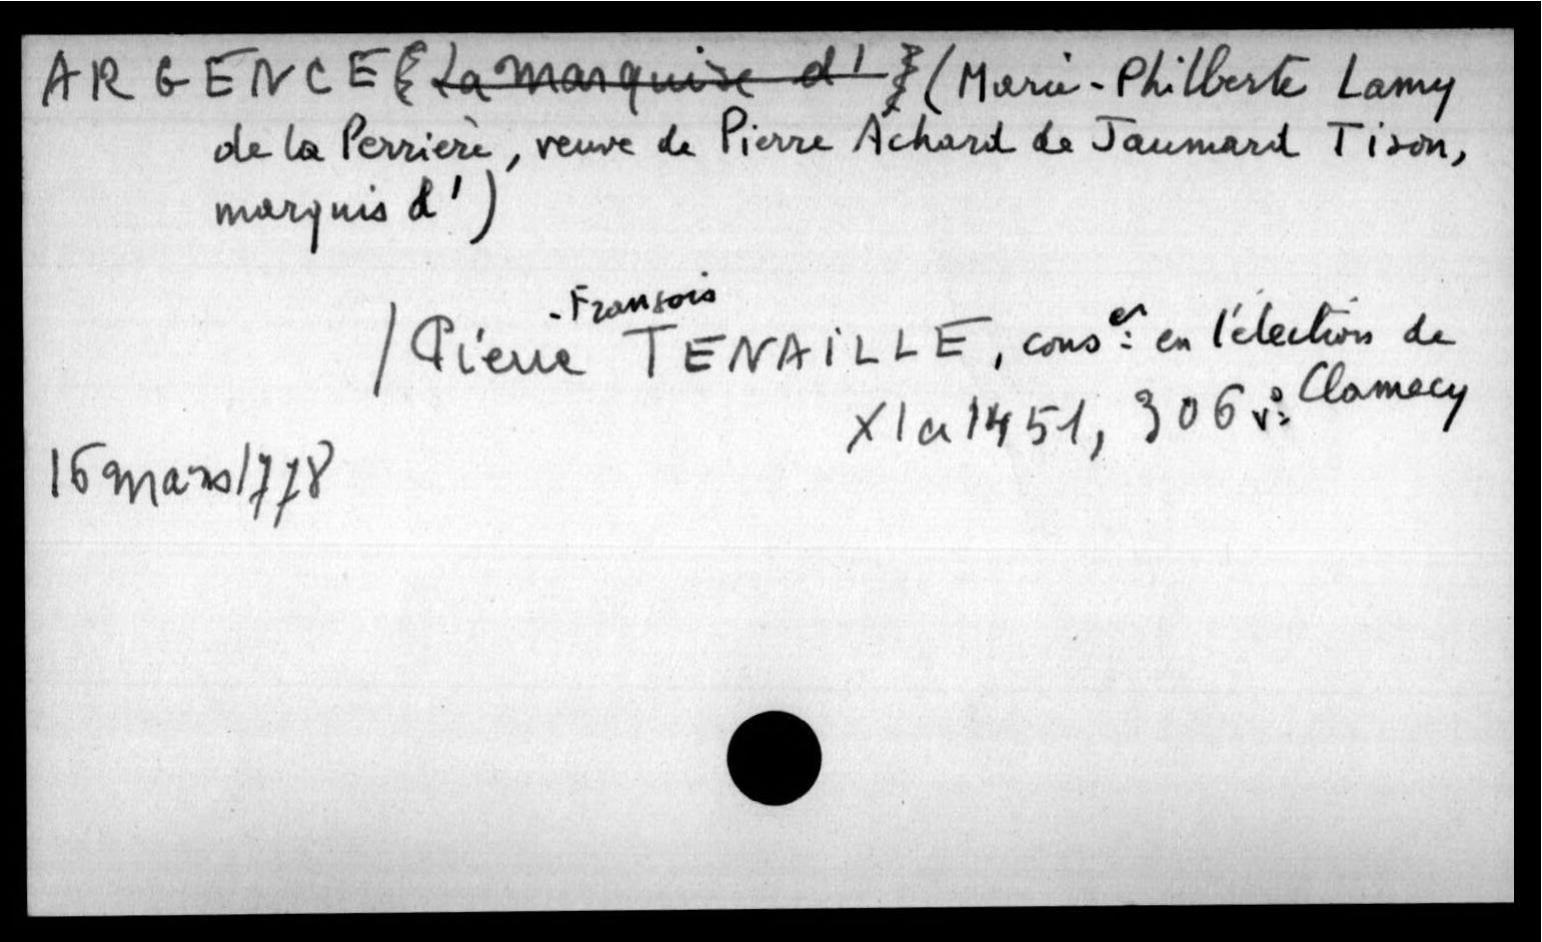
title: ARGENCE (Marie-Philberte Lamy de la Perrière, veuve de Pierre Achard de Jaumard Tison, marquis d')
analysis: Contre Pierre François TENAILLE, conseiler en l'élection de Clamecy
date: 16 mars 1778
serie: X1a
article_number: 1451
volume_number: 306v
